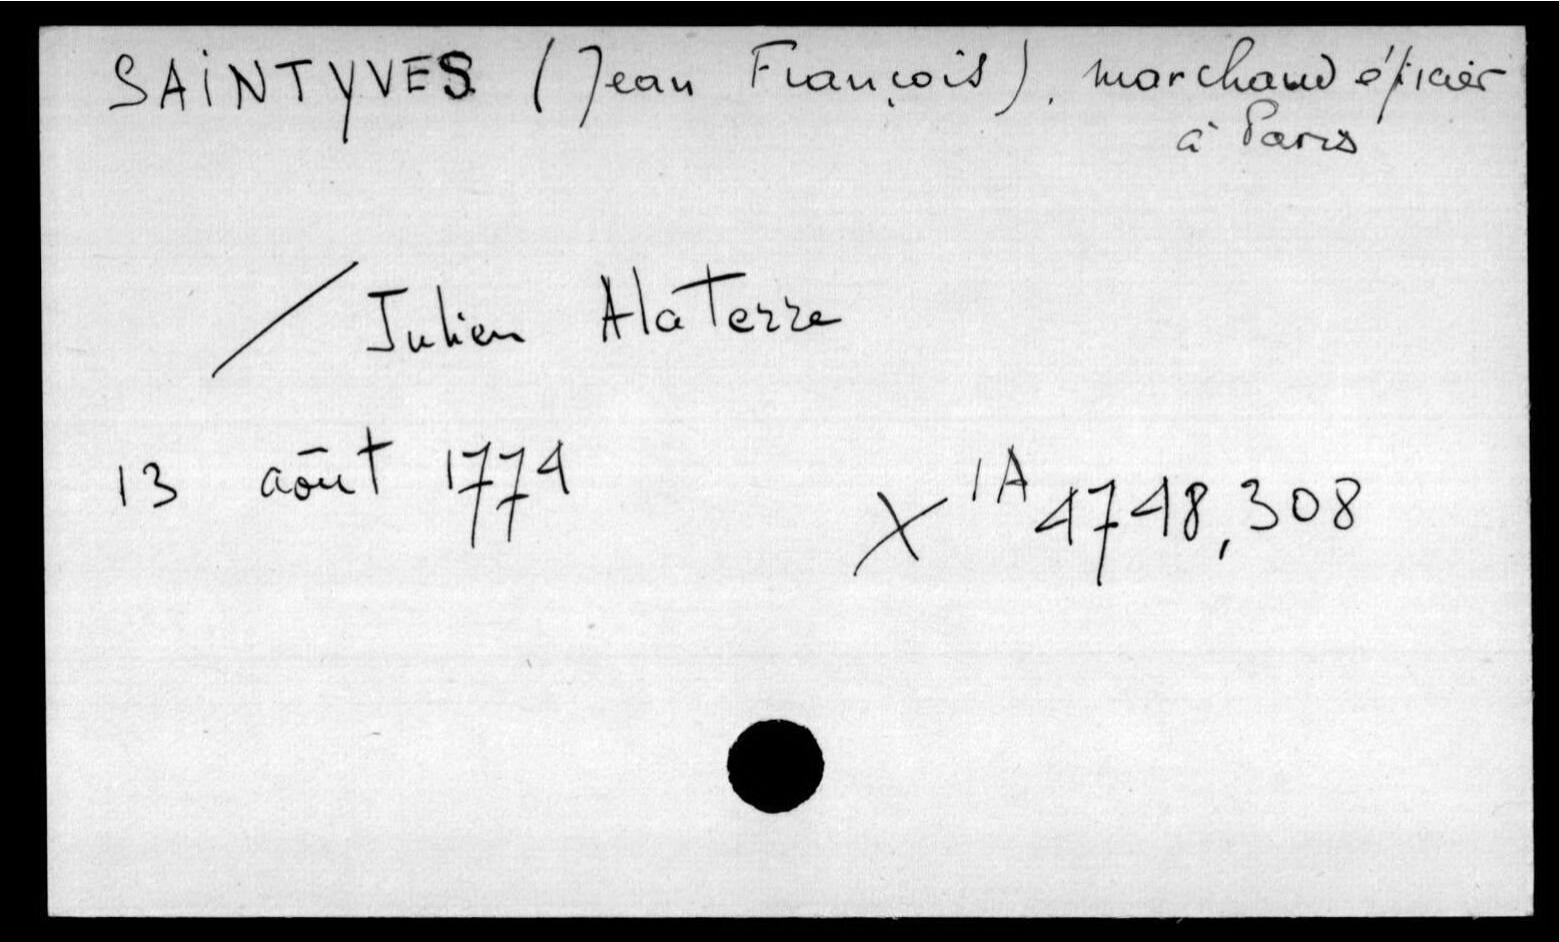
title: SAINTYVES (Jean François), marchand épicier à Paris
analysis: Contre Julien Alaterre
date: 13 août 1774
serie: X1A
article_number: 4748
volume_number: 308
